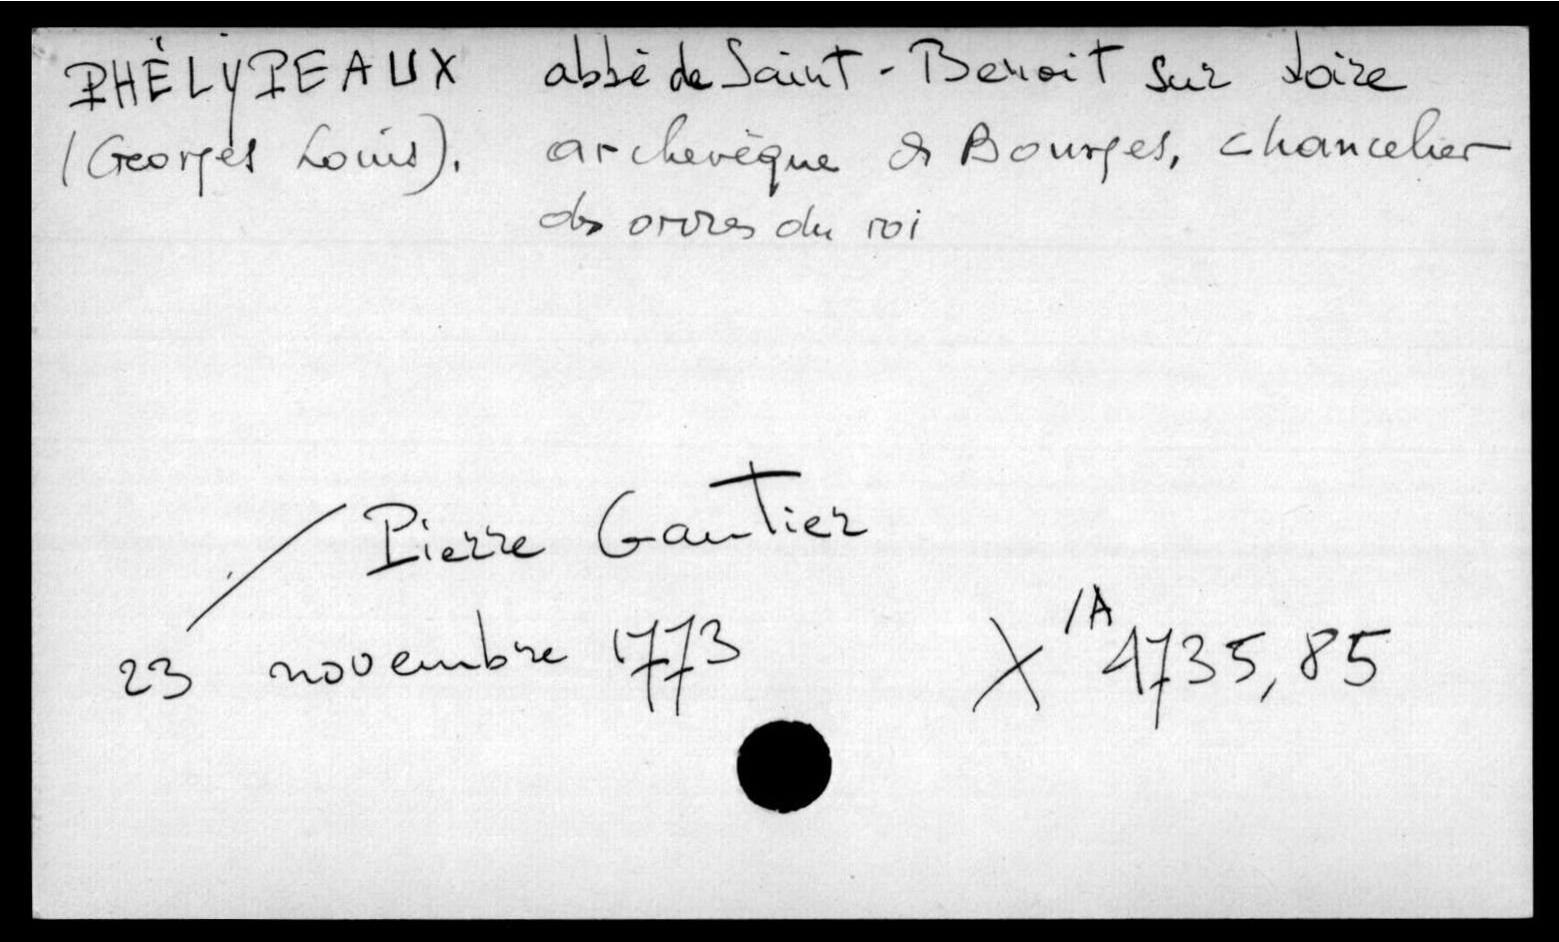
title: PHÉLYPEAUX (Georges Louis) abbé de Saint-Benoît, archevêque de Bourges, chancelier des ordres du roi
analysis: Contre Pierre Gautier
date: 23 novembre 1773
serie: X1A
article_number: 4735
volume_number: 85
